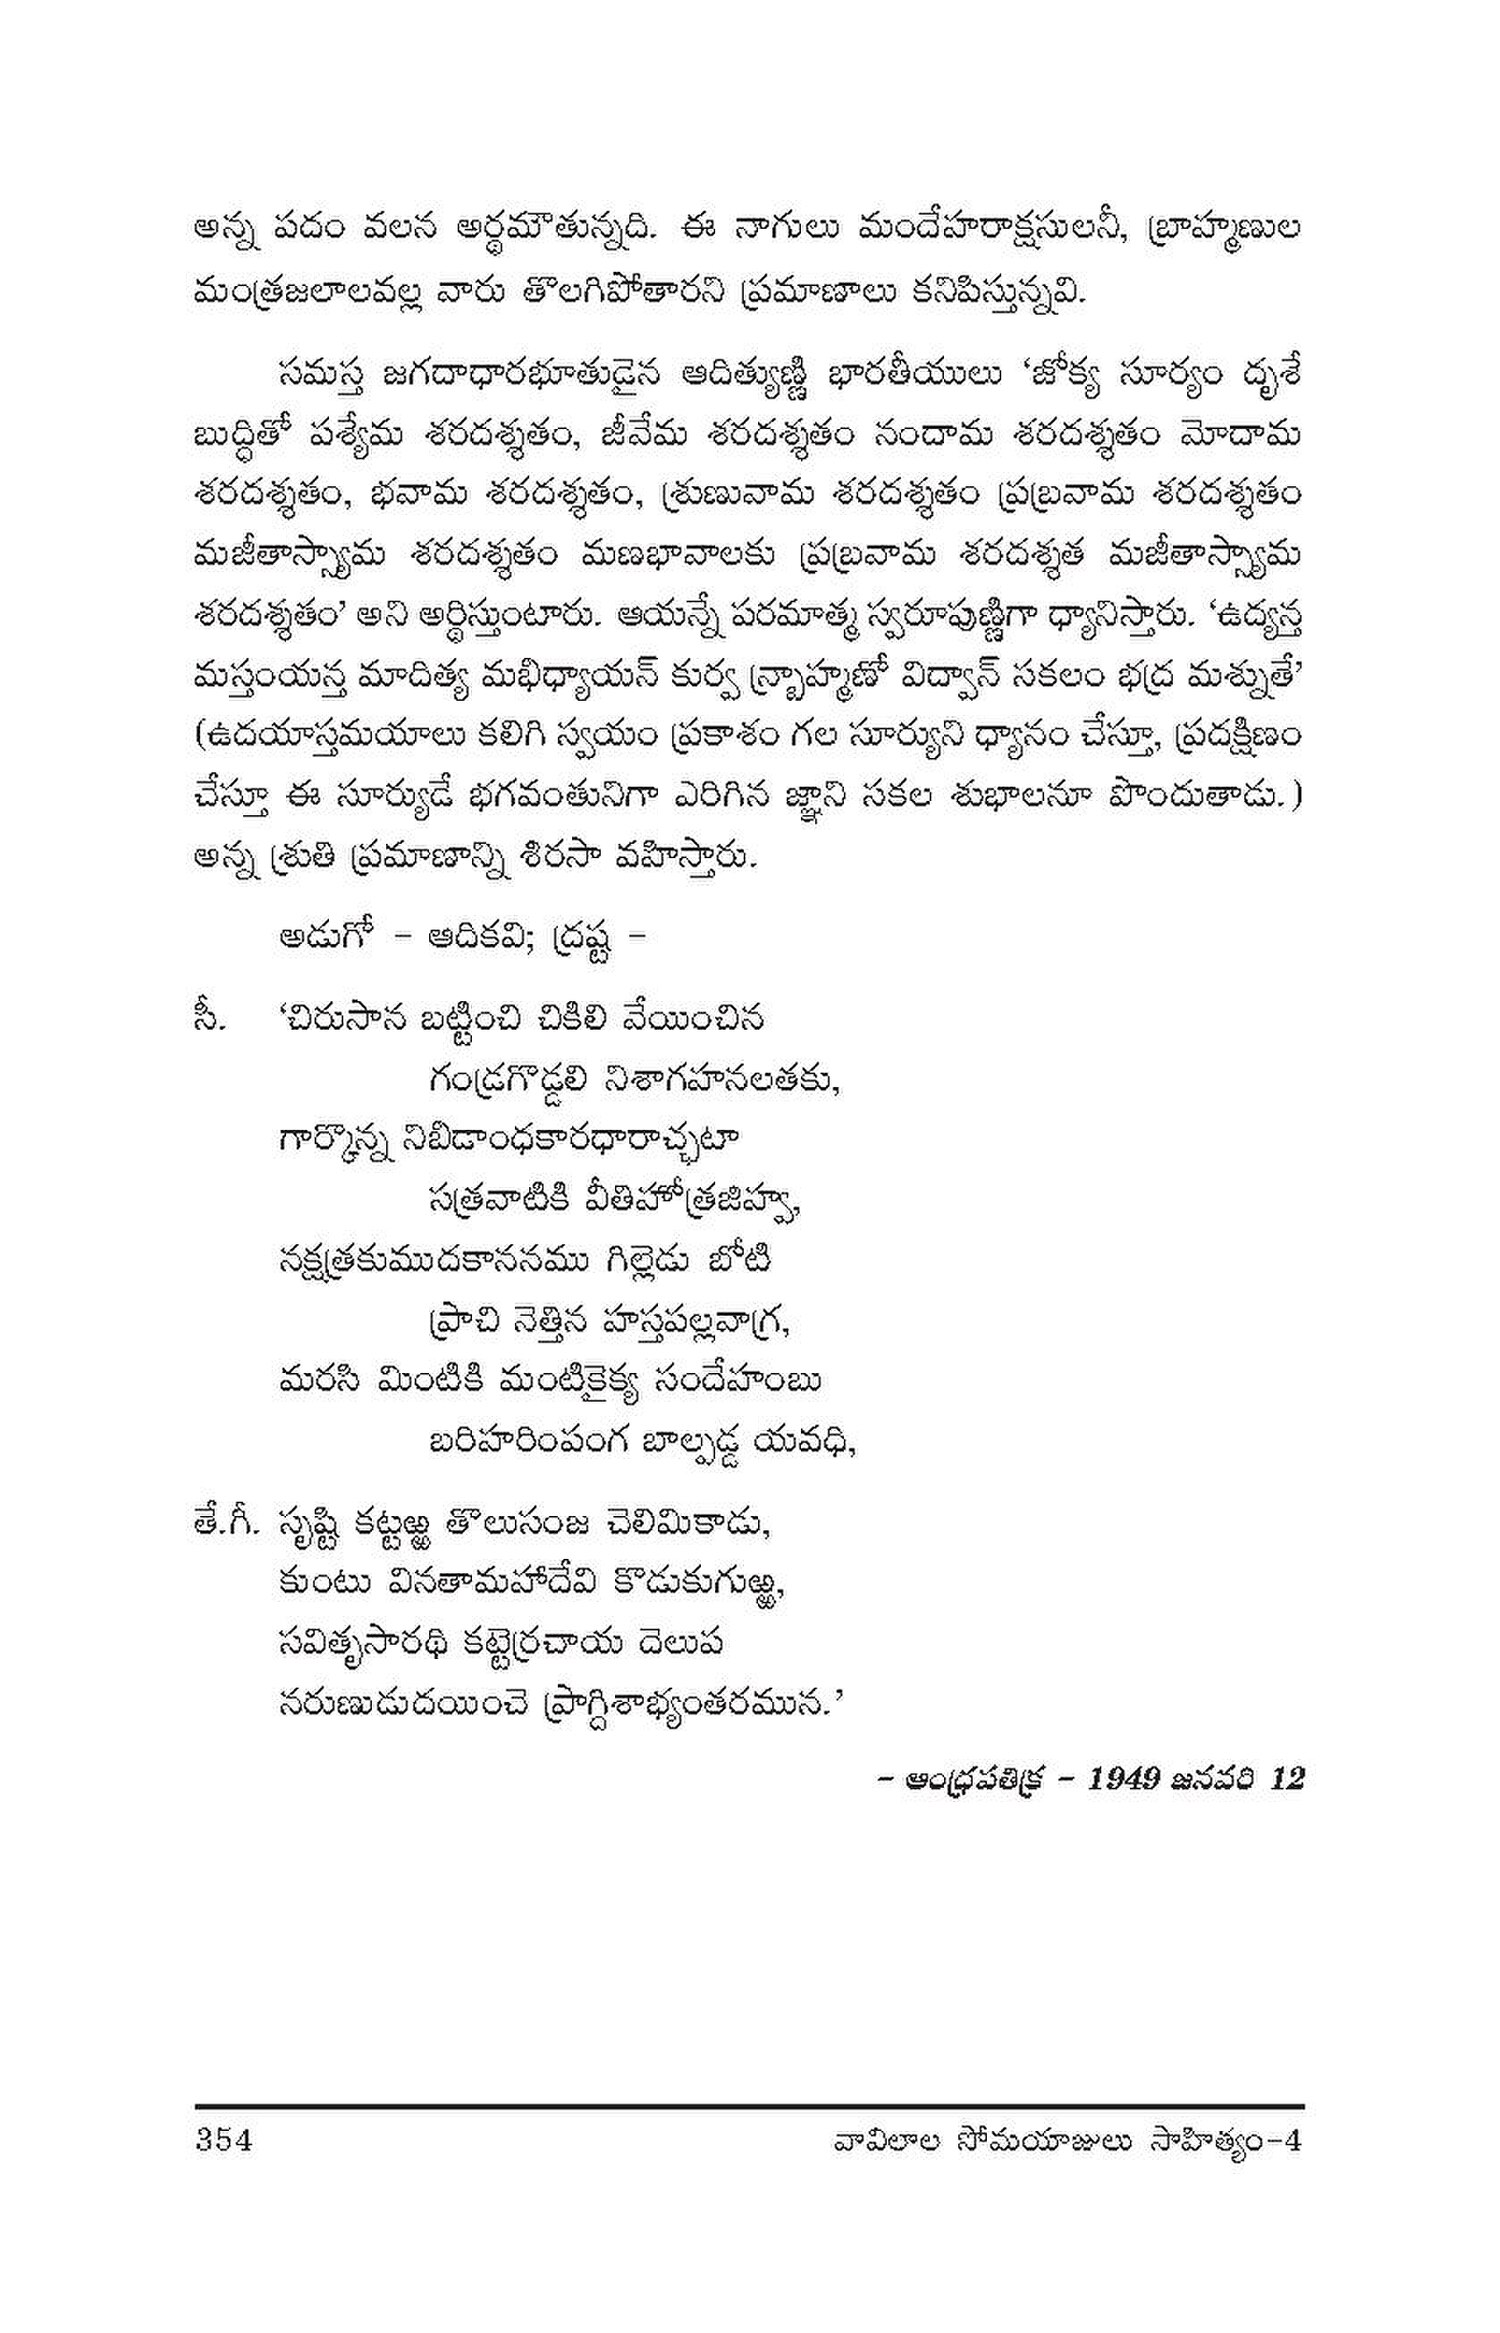అన్న పదం వలన అర్థమౌతున్నది. ఈ నాగులు మందేహరాక్షసులనీ, బ్రాహ్మణుల
మంత్రజలాలవల్ల వారు తొలగిపోతారని ప్రమాణాలు కనిపిస్తున్నవి.

సమస్త జగదాధారభూతుడైన ఆదిత్యుణ్ణి భారతీయులు 'జోక్య సూర్యం దృశే
బుద్ధితో పశ్యేమ శరదశ్శతం, జీవేమ శరదశ్శతం నందామ శరదశ్శతం మోదామ
శరదశ్శతం, భవామ శరదశ్శతం, శ్రుణునామ శరదశ్శతం ప్రబ్రవామ శరదశ్శతం
మజీతాస్స్యామ శరదశ్శతం మణభావాలకు ప్రబ్రవామ శరదశ్శత మజీతాస్స్యామ
శరదశ్శతం' అని అర్థిస్తుంటారు. ఆయన్నే పరమాత్మ స్వరూపుణ్ణిగా ధ్యానిస్తారు. 'ఉద్యన్త
మస్తంయన్త మాదిత్య మభిధ్యాయన్ కుర్వ నాహ్మణో విద్వాన్ సకలం భద్ర మశ్నుతే'
(ఉదయాస్తమయాలు కలిగి స్వయం ప్రకాశం గల సూర్యుని ధ్యానం చేస్తూ, ప్రదక్షిణం
చేస్తూ ఈ సూర్యుడే భగవంతునిగా ఎరిగిన జ్ఞాని సకల శుభాలనూ పొందుతాడు.)
అన్న శ్రుతి ప్రమాణాన్ని శిరసా వహిస్తారు.

అడుగో - ఆదికవి; ద్రష్ట -
సీ.‘చిరుసాన బట్టించి చికిలి వేయించిన
గండ్రగొడ్డలి నిశాగహనలతకు,
గార్కొన్న నిబిడాంధకారధారాచ్ఛటా
సత్రవాటికి వీతిహోత్రజిహ్వ,
నక్షత్రకుముదకాననము గిల్లెడు బోటి
ప్రాచీ నెత్తిన హస్తపల్లవాగ్ర,
మరసి మింటికి మంటికైక్య సందేహంబు
బరిహరింపంగ బాల్పడ్డ యవధి,

తే.గీ. సృష్టి కట్టఱ్ఱ తొలుసంజ చెలిమికాడు,
కుంటు వినతామహాదేవి కొడుకుగుఱ్ఱ,
సవితృసారథి కట్టెర్రచాయ దెలుప
నరుణుడుదయించె ప్రాగ్దిశాభ్యంతరమున. '